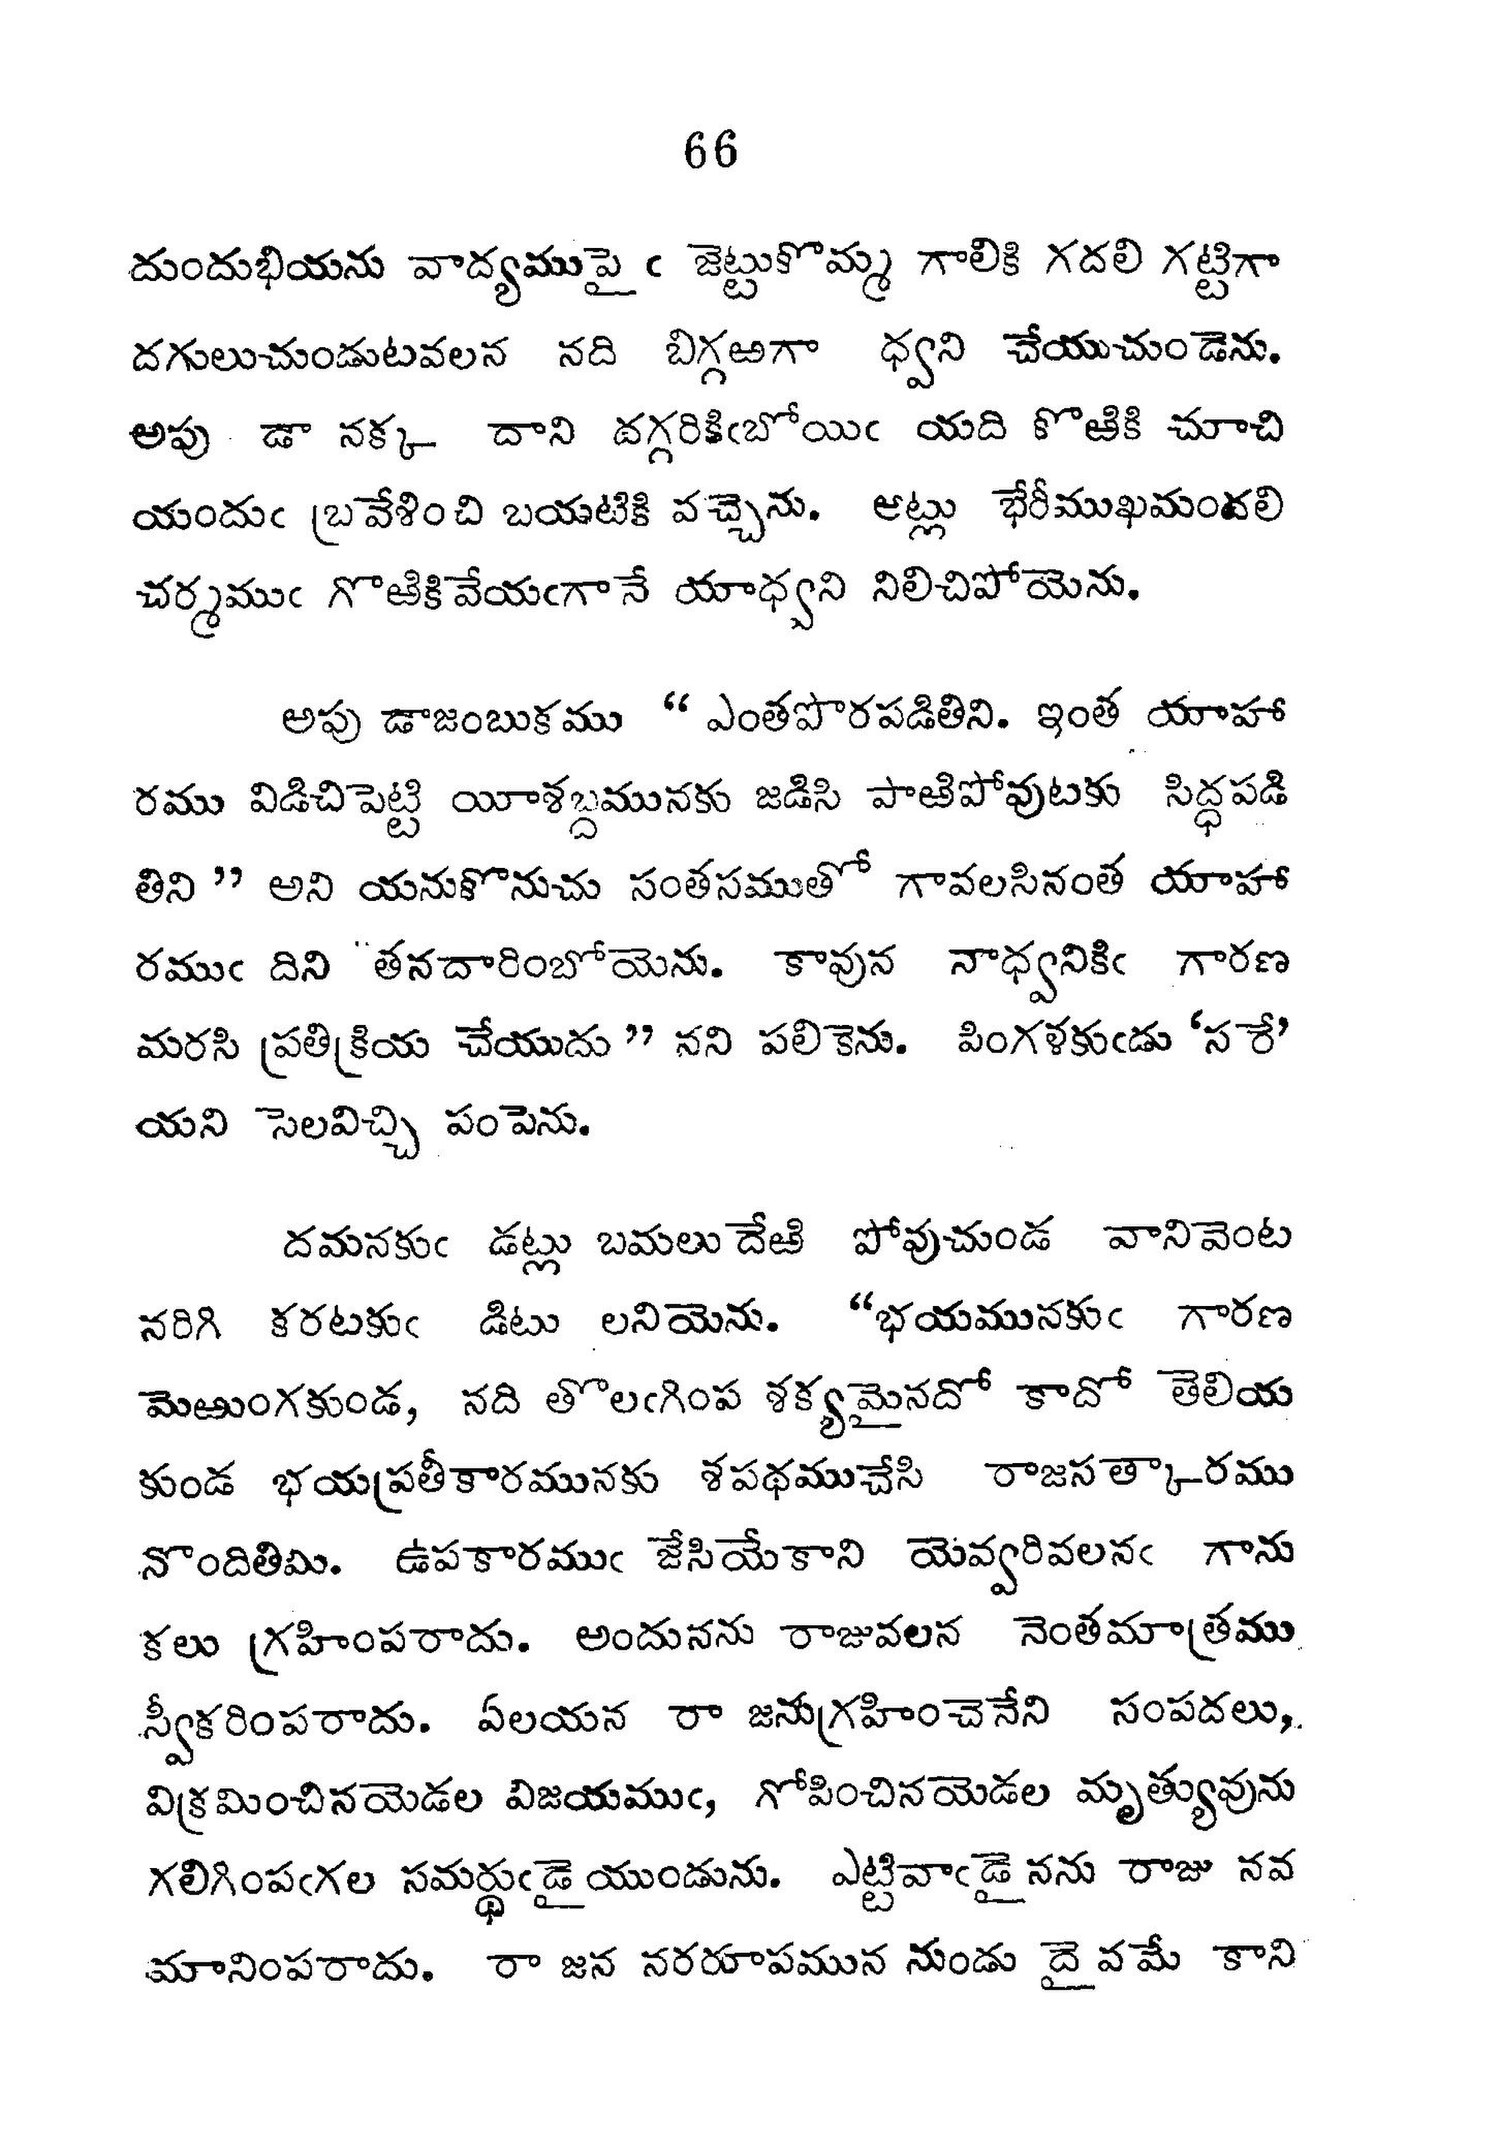దుందుభియను వాద్యముపై జెట్టుకొమ్మ గాలికి గదలి గట్టిగా దగులుచుండుటవలన నది బిగ్గఱగా ధ్వని చేయుచుండెను. అపు డా నక్క దాని దగ్గరికిబోయి యది కొఱికి చూచి యందు బ్రవేశించి బయటికి వచ్చెను. అట్లు భేరీముఖమందలి చర్మము గొఱికివేయగానే యాధ్వని నిలిచిపోయెను. 

అపు డాజంబుకము "ఎంతపొరపడితిని. ఇంత యాహారము విడిచిపెట్టి యీశబ్దమునకు జడిసి పాఱిపోవుటకు సిద్ధపడితిని" అని యనుకొనుచు సంతసముతో గావలసినంత యాహారము దిని తనదారింబోయెను. కావున నాధ్వనికి గారణ మరసి ప్రతిక్రియ చేయుదు" నని పలికెను. పింగళకుడు "సరే" యని సెలవిచ్చి పంపెను.

దమనకు డట్లు బయలుదేఱి పోవుచుండ వానివెంట నరిగి కరటకు డిటు లనియెను. "భయమునకు గారణ మెఱుంగకుండ, నది తొలగింప శక్యమైనదో కాదో తెలియకుండ భయప్రతీకారమునకు శపథముచేసి రాజసత్కారము నొందితిమి. ఉపకారము జేసియేకాని యెవ్వరివలన గానుకలు గ్రహింపరాదు. అందునను రాజువలన నెంతమాత్రము స్వీకరింపరాదు. ఏలయన రా జనుగ్రహించెనేని సంపదలు, విక్రమించినయెడల విజయము, గోపించినయెడల మృత్యువును గలిగింపగల సమర్థుడై యుండును. ఎట్టివాడైనను రాజు నవమానింపరాదు. రా జన నరరూపమున నుండు దైవమే కాని